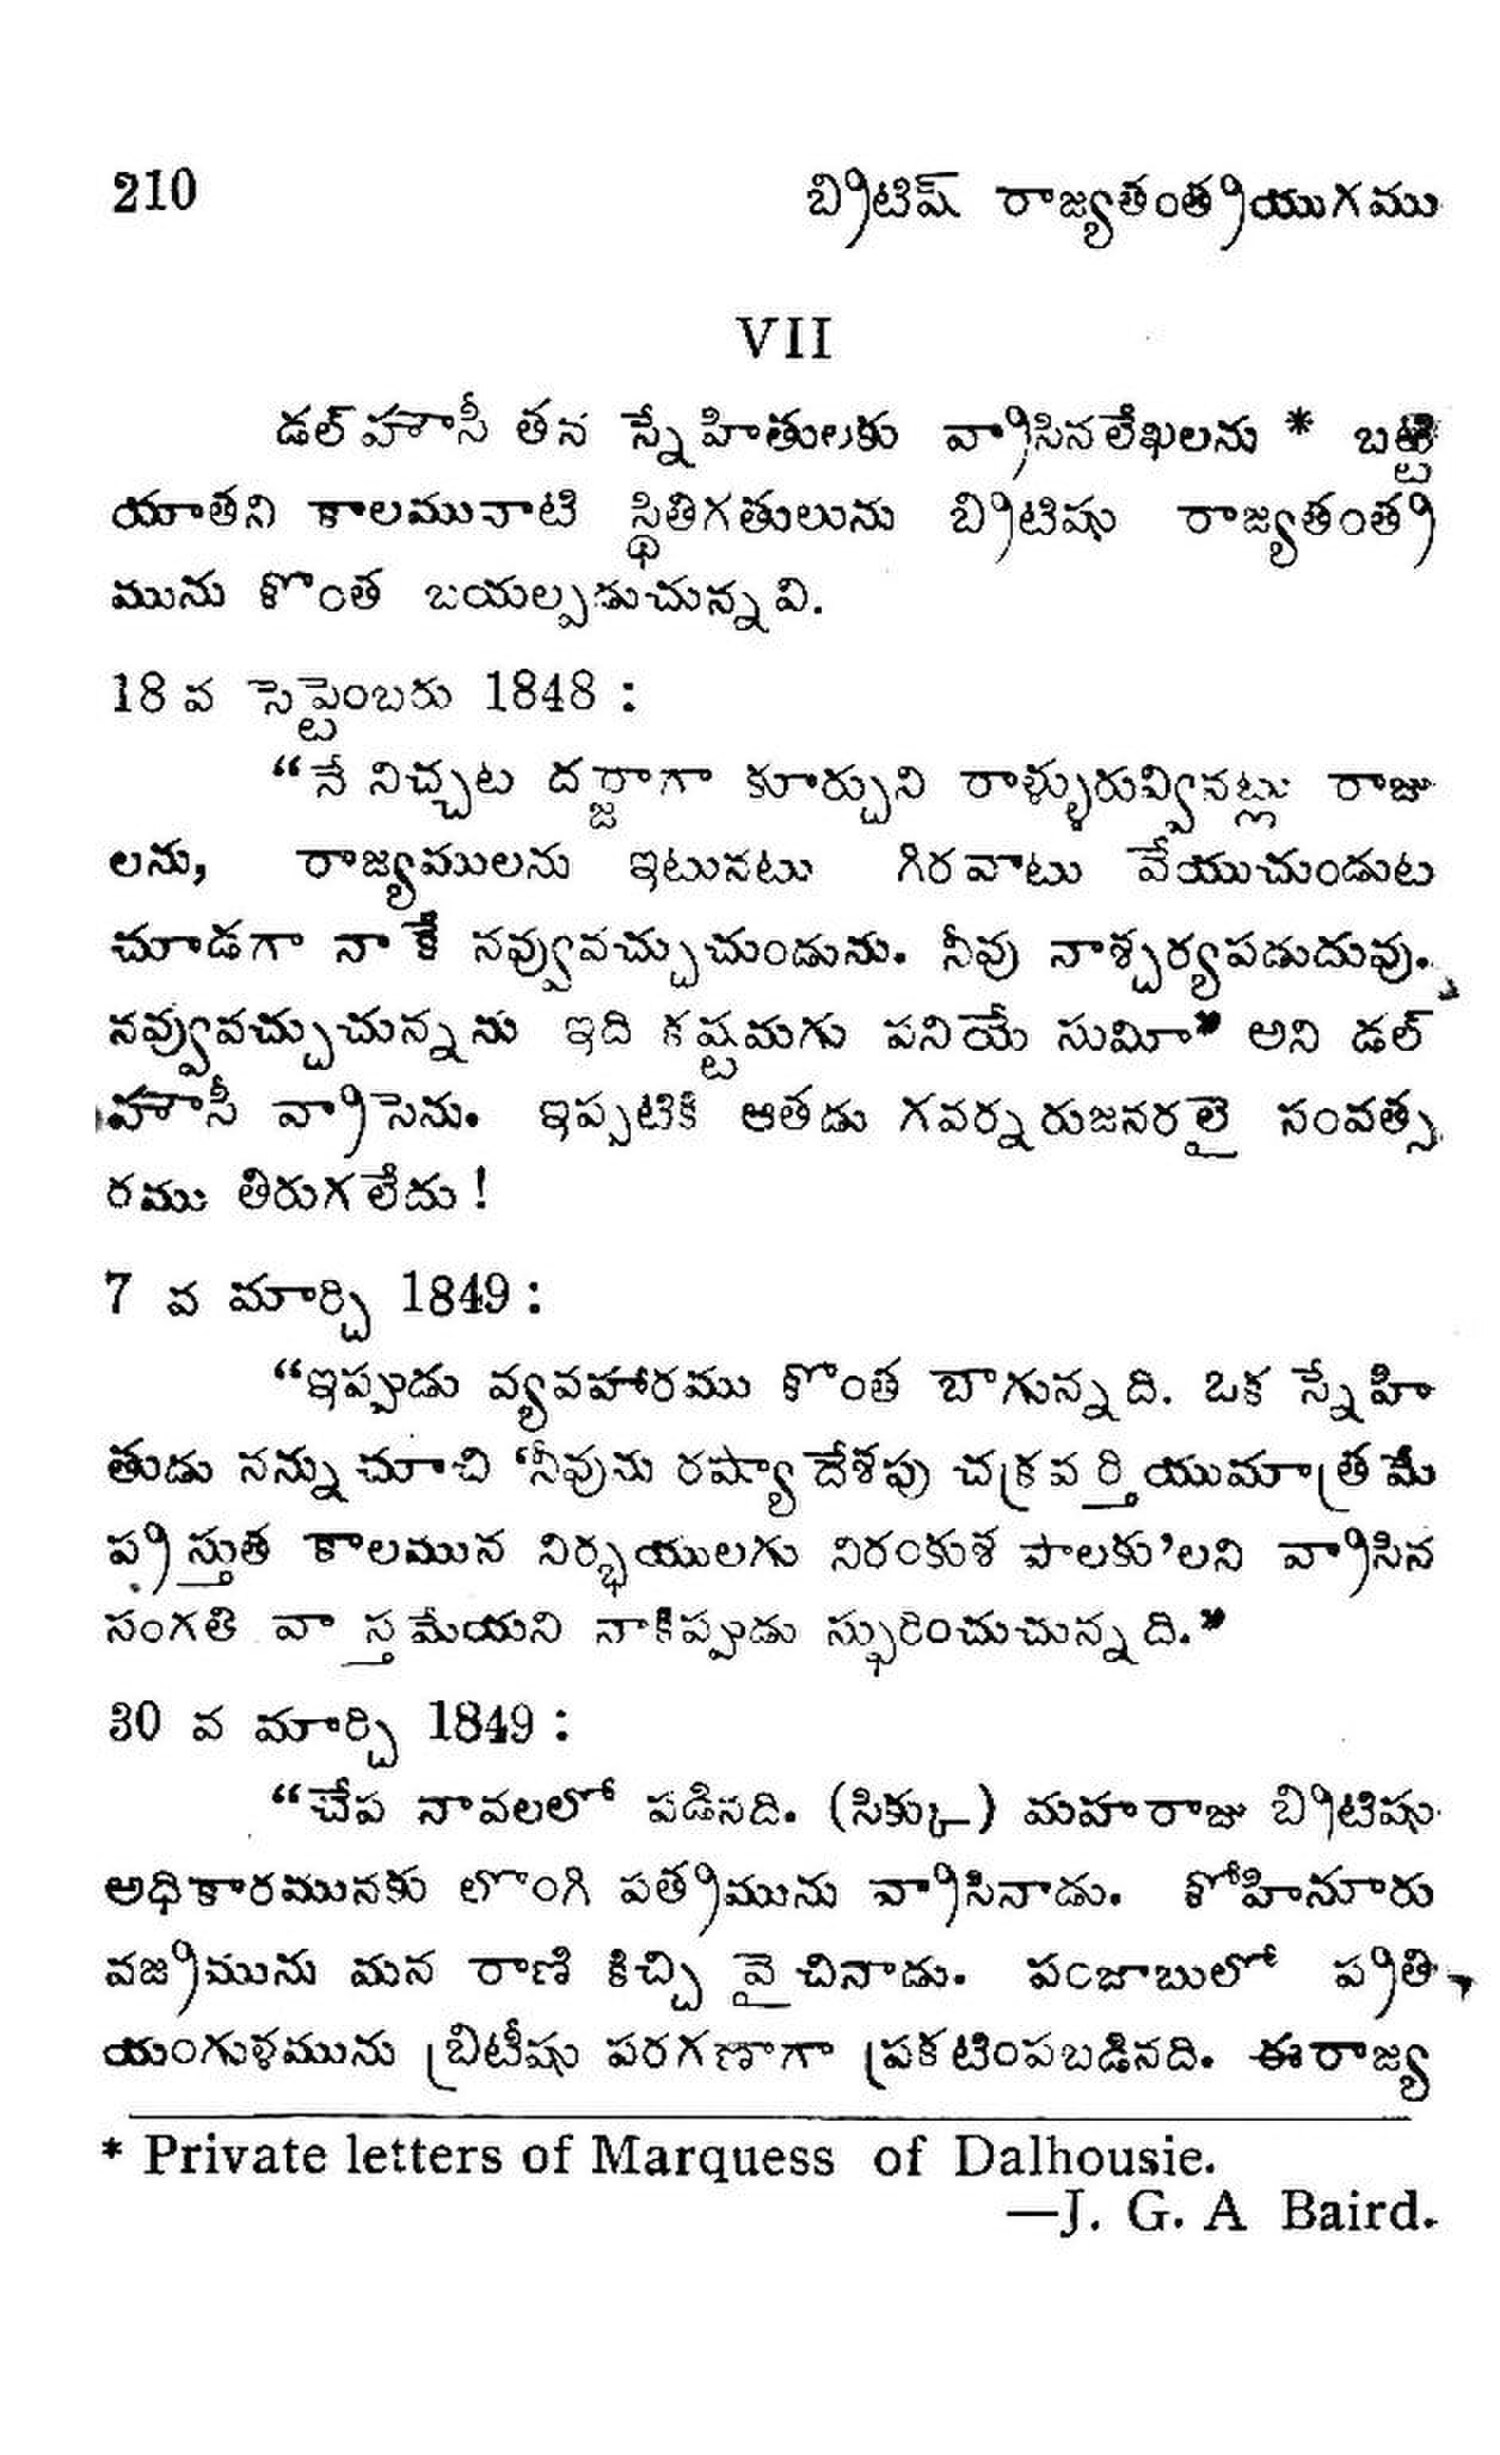VII

డల్‌హౌసీ తన స్నేహితులకు వ్రాసినలేఖలను బట్టి యాతని కాలమునాటి స్థితిగతులును బ్రిటిషు రాజ్యతంత్రమును కొంత బయల్పడుచున్నవి. 

18 వ సెప్టెంబరు 1848 :

"నే నిచ్చట దర్జాగా కూర్చుని రాళ్ళురువ్వినట్లు రాజులను, రాజ్యములను ఇటునటు గిరవాటు వేయుచుండుట చూడగా నాకే నవ్వువచ్చుచుండును. నీవు నాశ్చర్యపడుదువు. నవ్యువచ్చుచున్నను ఇది కష్టమగు పనియే సుమీ" అని డల్‌హౌసీ వ్రాసెను. ఇప్పటికి ఆతడు గవర్నరుజనరలై సంవత్సరము తిరుగలేదు! 

7 వ మార్చి 1849 :

“ఇప్పుడు వ్యవహారము కొంత బాగున్నది. ఒక స్నేహితుడు నన్నుచూచి 'నీవును రష్యాదేశపు చక్రవర్తియుమాత్రమే ప్రస్తుత కాలమున నిర్భయులగు నిరంకుశ పాలకు'లని వ్రాసిన సంగతి వాస్తమేయని నాకిప్పుడు స్ఫురించుచున్నది." 

30 వ మార్చి 1849:

"చేప నా వలలో పడినది. (సిక్కు) మహరాజు బ్రిటిషు అధికారమునకు లొంగి పత్రమును వ్రాసినాడు. కోహినూరు వజ్రమును మన రాణి కిచ్చి వైచినాడు. పంజాబులో ప్రతి యంగుళమును బ్రిటీషు పరగణాగా ప్రకటింపబడినది. ఈ రాజ్య